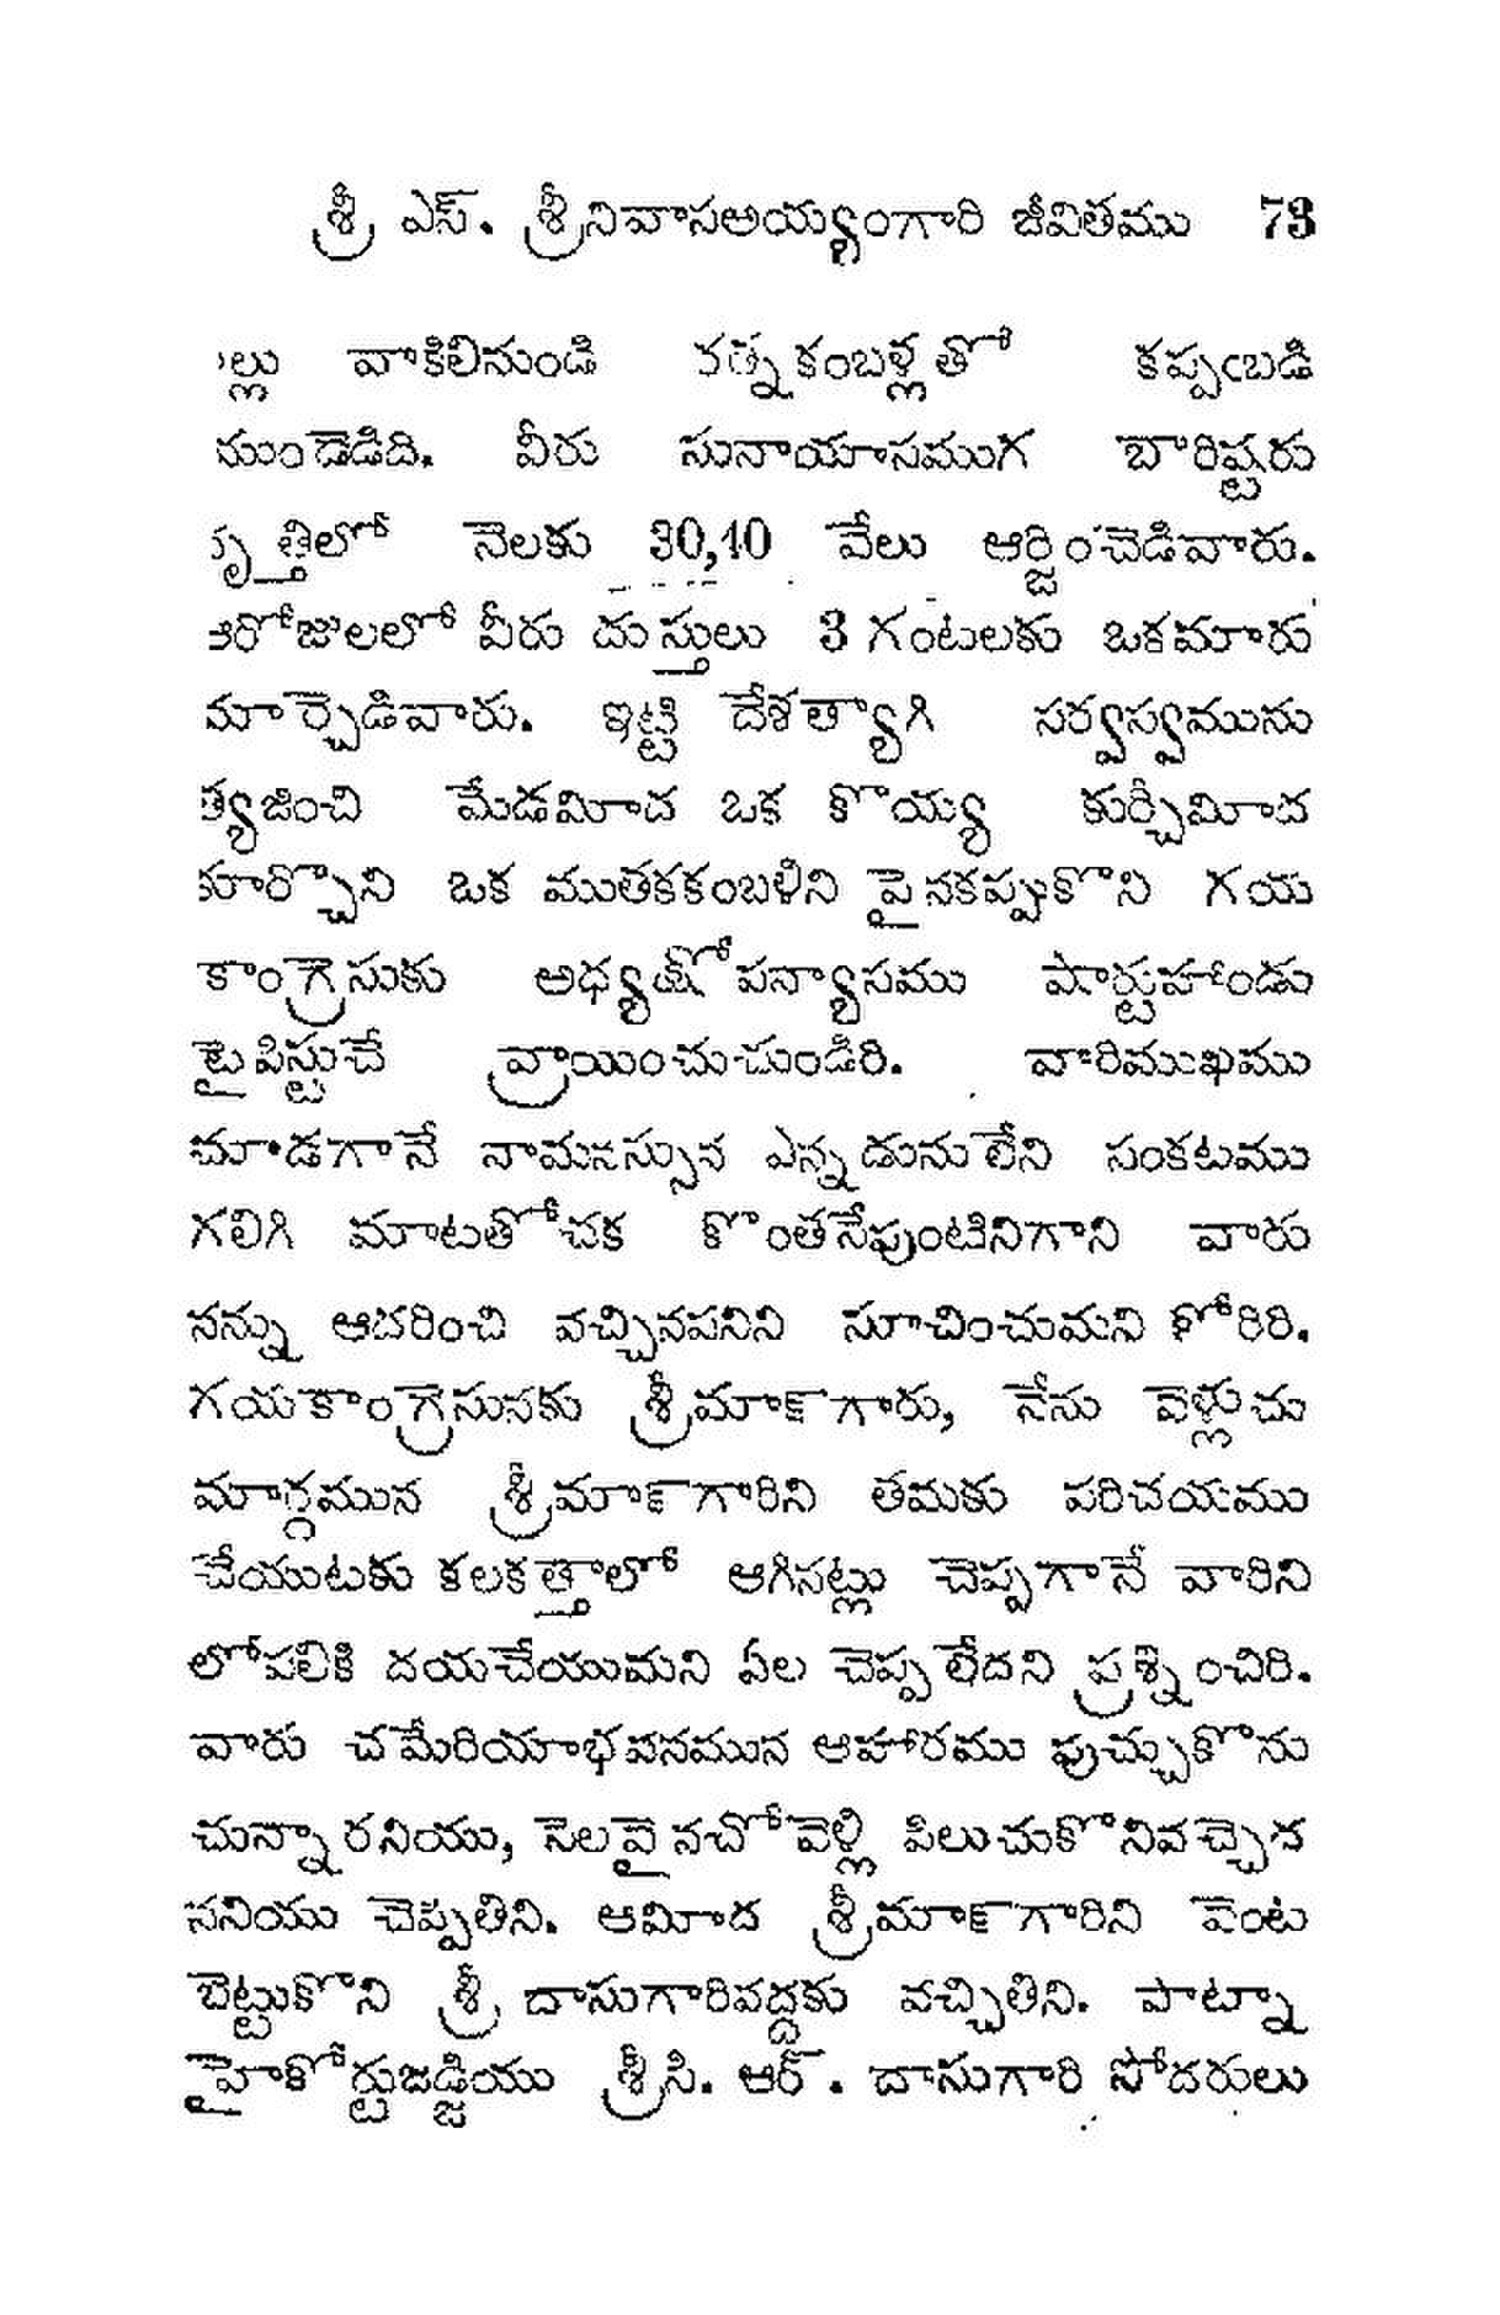ఇల్లు వాకిలినుండి కత్నకంబళ్లతో కప్పఁబడి యుండెడిది. వీరు సునాయాసముగ బారిష్టరు వృత్తిలో నెలకు 30, 40 వేలు ఆర్జించెడివారు. ఆరోజులలో వీరు దుస్తులు 3 గంటలకు ఒకమారు మార్చెడివారు. ఇట్టి దేశత్యాగి సర్వస్వమును త్యజించి మేడమీద ఒక కొయ్య కుర్చీమీద కూర్చొని ఒక ముతకకంబళిని పైనకప్పుకొని గయ కాంగ్రెసుకు అధ్యక్షోపన్యాసము షార్టుహాండు టైపిస్టుచే వ్రాయించుచుండిరి. వారిముఖము చూడగానే నామనస్సున ఎన్నడునులేని సంకటము గలిగి మాటతోచక కొంతసేపుంటినిగాని వారు సన్ను ఆదరించి వచ్చినపనిని సూచించుమని కోరిరి. గయకాంగ్రెసునకు శ్రీమా౯గారు, నేను వెళ్లుచు మార్గమున శ్రీమా౯గారిని తమకు పరిచయము చేయుటకు కలకత్తాలో ఆగినట్లు చెప్పగానే వారిని లోపలికి దయచేయుమని ఏల చెప్పలేదని ప్రశ్నించిరి. వారు చమేరియాభపనమున ఆహారము పుచ్చుకొను చున్నారనియు, సెలవైనచోవెళ్లి పిలుచుకొనివచ్చెద ననియు చెప్పతిని. ఆమీద శ్రీమా౯గారిని వెంటబెట్టుకొని శ్రీ దాసుగారివద్దకు వచ్చితిని. పాట్నా హైకోర్టుజడ్జియు శ్రీ సి. ఆర్. దాసుగారి సోదరులు